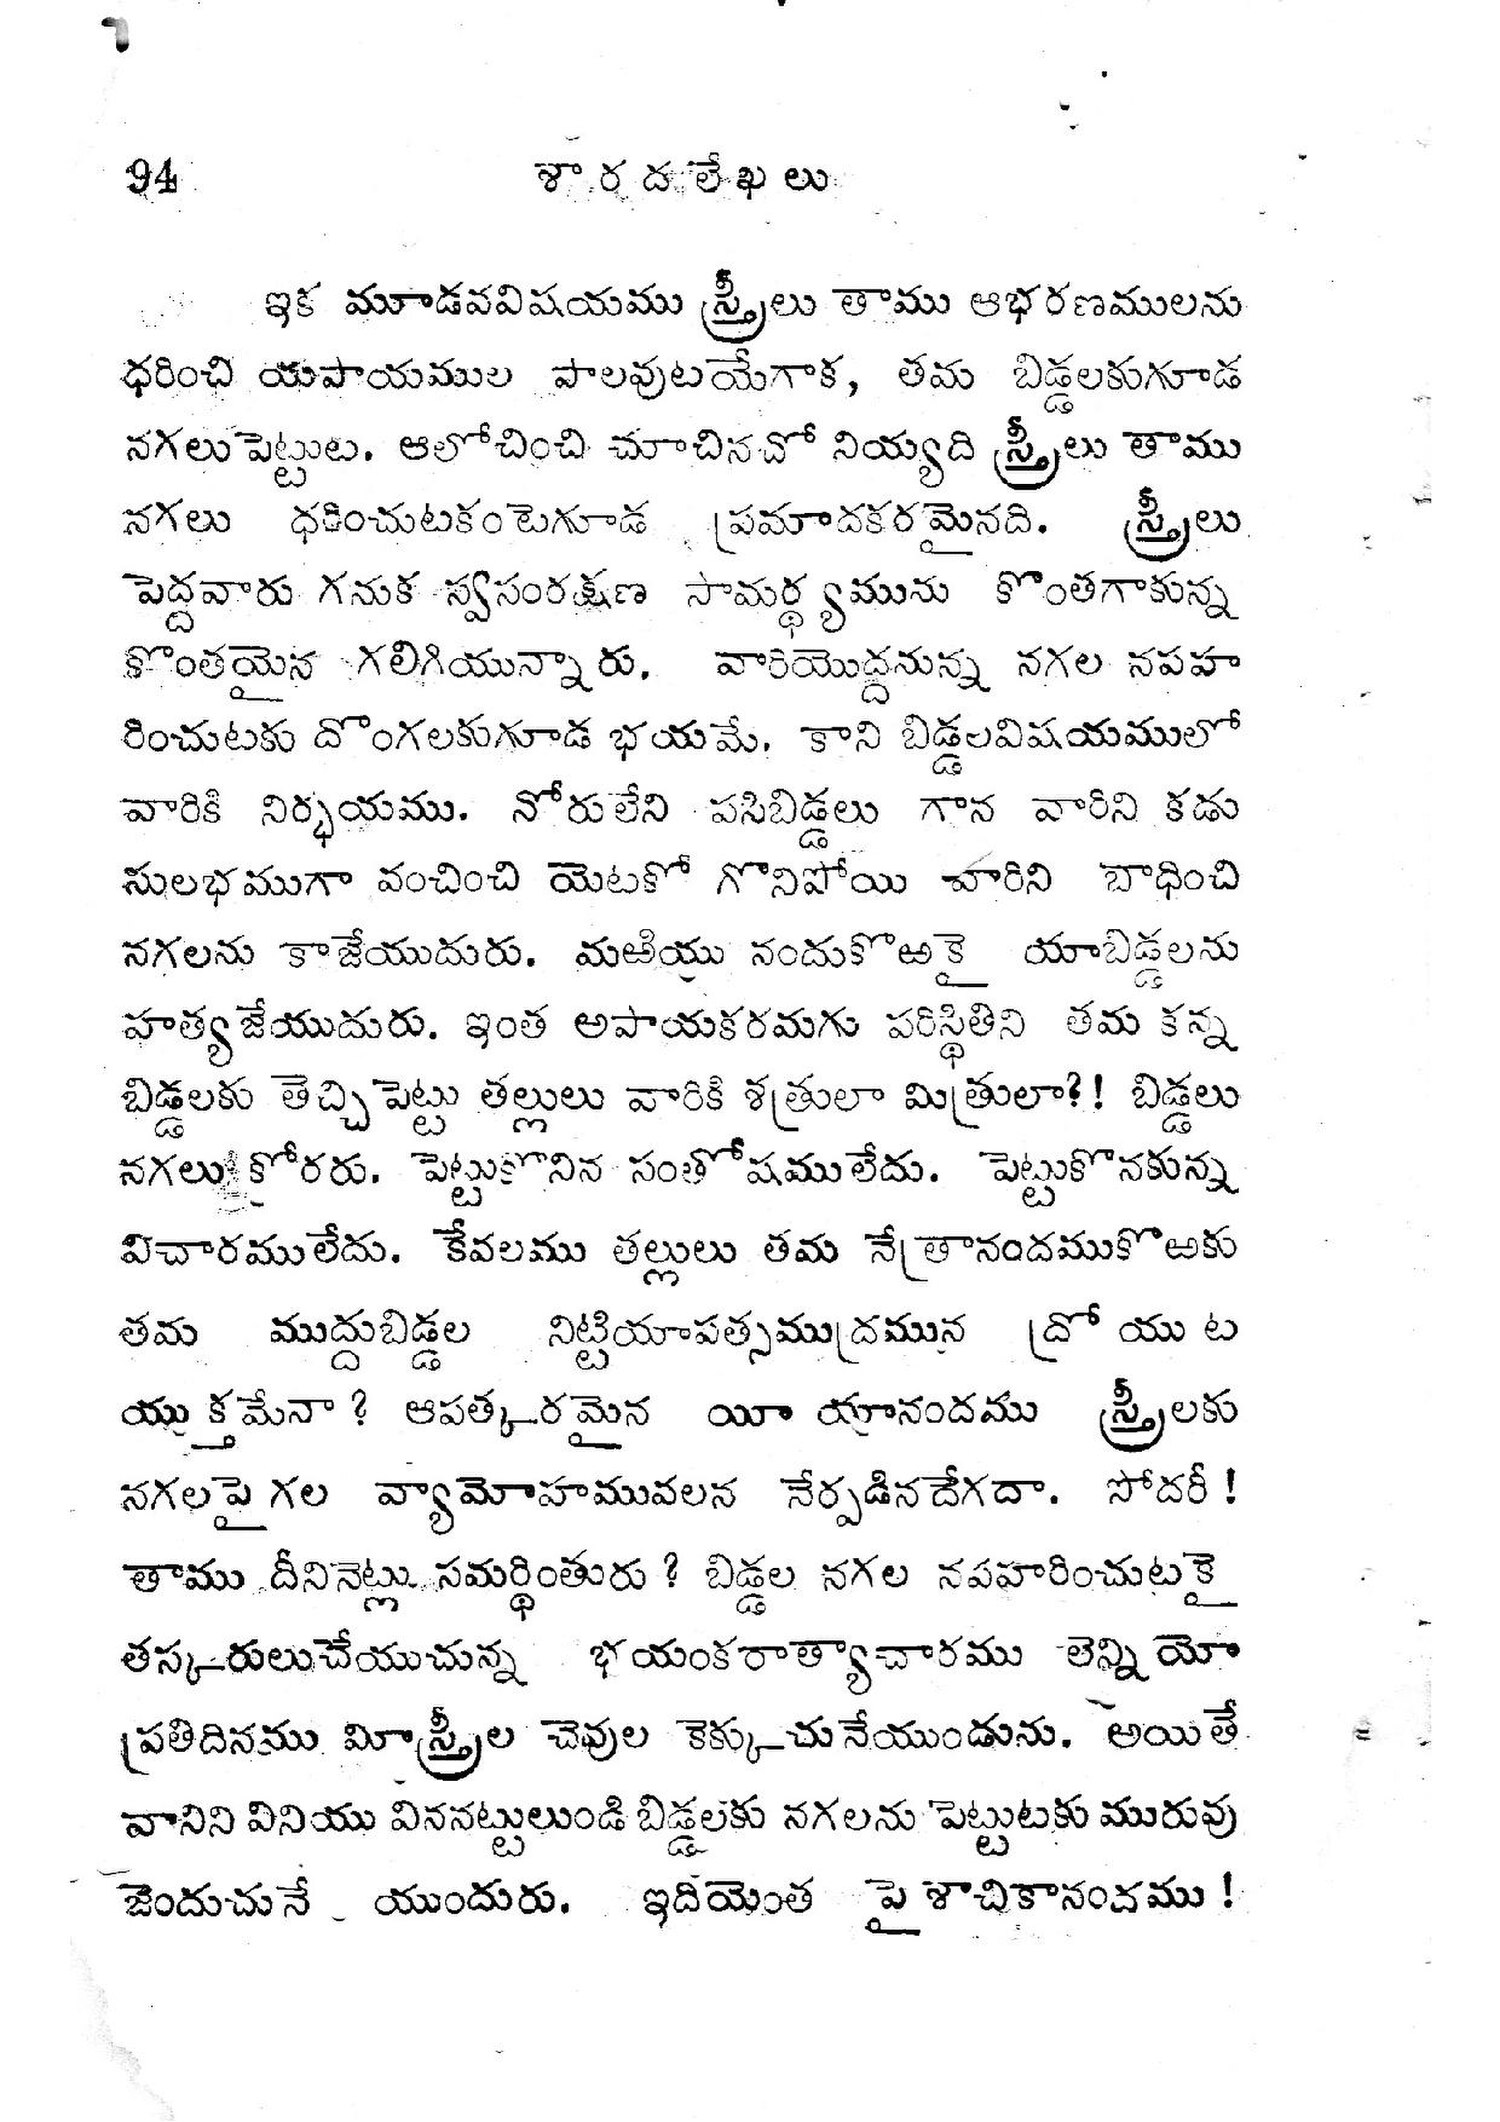ఇక మూడవవిషయము స్త్రీలు తాము ఆభరణములను
ధరించి యపాయముల పాలవుటయేగాక, తమ బిడ్డలకు గూడ
నగలు పెట్టుట, ఆలోచించి చూచినచో నియ్యది స్త్రీలు తాము
నగలు ధరించుటకంటెగూడ ప్రమాదకరమైనది. స్త్రీలు
పెద్దవారు గనుక స్వసంరక్షణ సామర్థ్యమును కొంతగాకున్న
కొంతయైన గలిగియున్నారు. వారియొద్దనున్న నగల నపహ
రించుటకు దొంగలకుగూడ భయమే. కాని బిడ్డల విషయములో
వారికి నిర్భయము. నోరులేని పసిబిడ్డలు గాన వారిని కడు
సులభముగా వంచించి యెటకో గొనిపోయి వారిని బాధించి
నగలను కాజేయుదురు. మఱియు నందుకొఱకై యాబిడ్డలను
హత్యజేయుదురు. ఇంత అపాయకరమగు పరిస్థితిని తమ కన్న
బిడ్డలకు తెచ్చి పెట్టు తల్లులు వారికి శత్రులా మిత్రులా?! బిడ్డలు
నగలు కోరరు. పెట్టుకొనిన సంతోషములేదు. పెట్టుకొనకున్న
విచారము లేదు. కేవలము తల్లులు తమ నేత్రానందముకొఱకు
తమ ముద్దుబిడ్డల నిట్టియాపత్సముద్రమున ద్రోయుట
యుక్తమేనా? ఆపత్కరమైన యీ యానందము స్త్రీలకు
నగలపై గల వ్యామోహమువలన నేర్పడిన దేగదా. సోదరీ!
తాము దీనినెట్లు సమర్థింతురు? బిడ్డల నగల నపహరించుటకై
తస్కరులుచేయుచున్న భయంకరాత్యాచారము లెన్నియో
ప్రతిదినము మీస్త్రీల చెవుల కెక్కుచునేయుండును. `అయితే
వానిని వినియు విననట్టులుండి బిడ్డలకు నగలను పెట్టుటకు మురువు
జెందుచునే యుందురు. ఇదియెంత పైశాచికానందము !